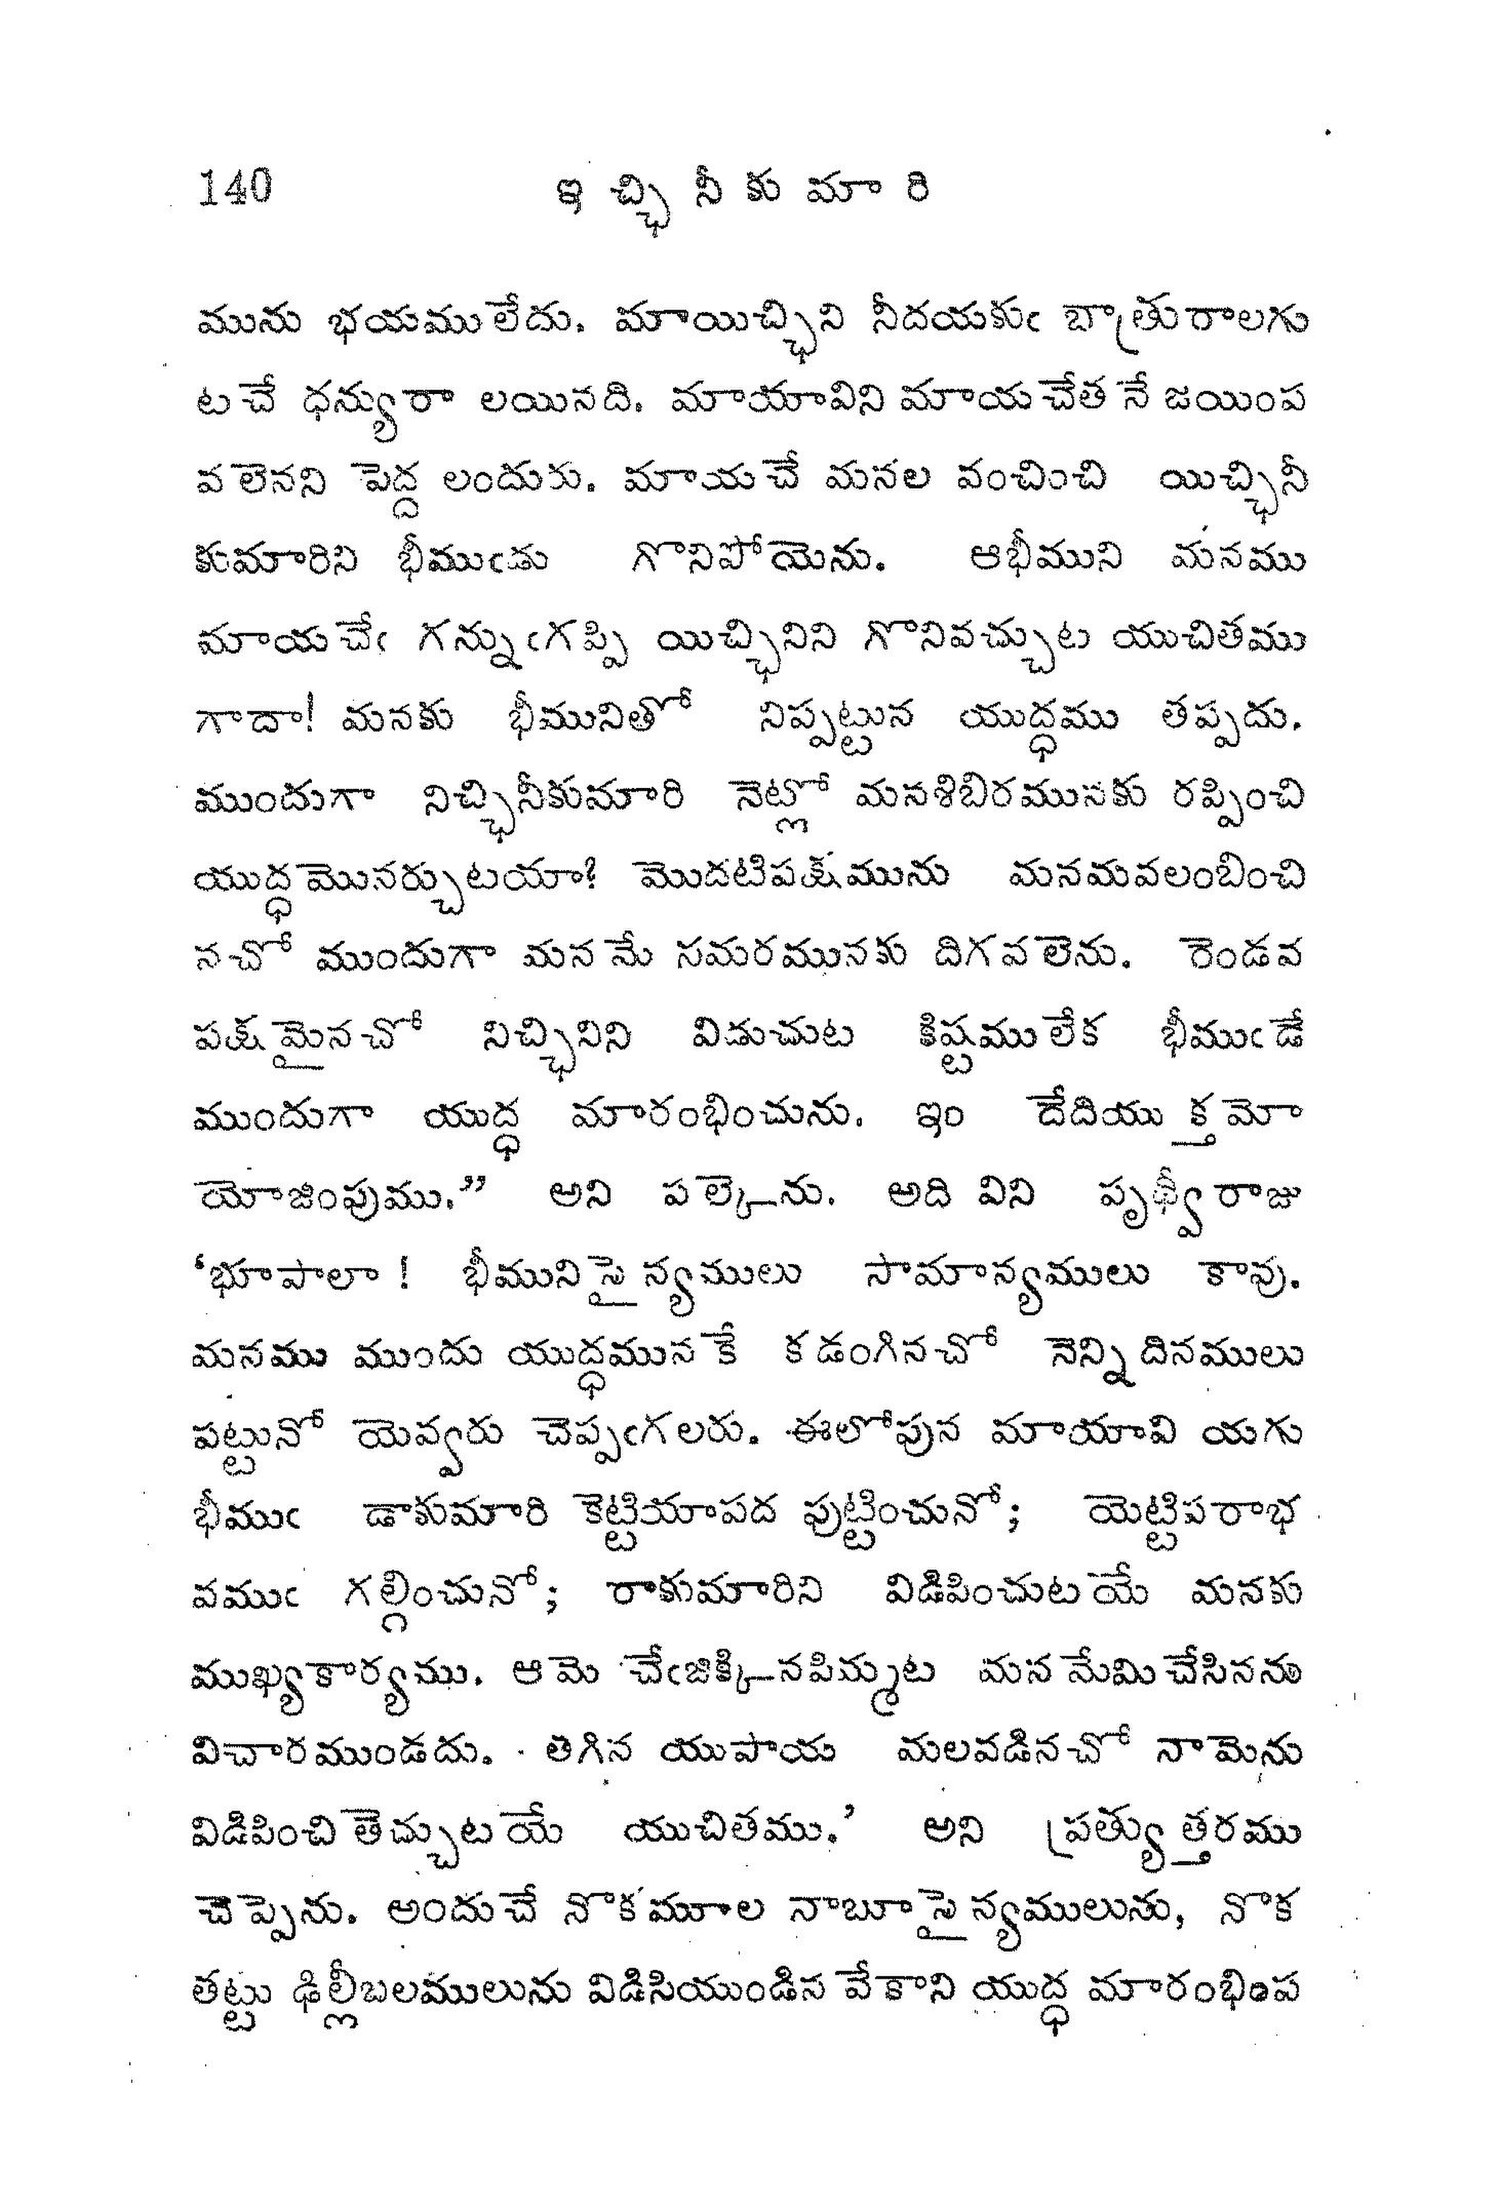దేదియు క్తమో
మును భయము లేదు. మాయిచ్ఛిని నీదయకుఁ బాత్రురాలగు
టచేధన్యురాలయినది. మాయావిని మాయ చేత నే జయింప
వలెనని పెద్ద లందురు. మాయచే మనల వంచించి యిచ్ఛినీ
కుమారిని భీముఁడు గొనిపోయెను. ఆభీముని మనము
మాయచేఁ గన్ను గప్పి యిచ్చినిని గొనివచ్చుట యుచితము
గాదా! మనకు భీమునితో నిప్పట్టున యుద్ధము తప్పదు,
ముందుగా నిచ్ఛినీకుమారి నెట్లో మన శిబిరమునకు రప్పించి
యుద్ధ మొనర్చుటయా? మొదటిపక్ష మును మనమవలంబించి
నచో ముందుగా మనమే సమరమునకు దిగవలెను. రెండవ
పక్షు మైన చో నిచ్ఛినిని విడుచుట కిష్టము లేక భీముఁ డే
ముందుగా యుద్ధ మారంభించును. ఇందేది యుక్తనో
యోజింపుము." అని పల్కెను. అది విని పృద్వీ రాజు
'భూపాలా ! భీముని సై స్యములు సామాన్యములు కావు.
మనము ముందు యుద్ధమునకే కడంగినచో సెన్ని దినములు
పట్టునో యెవ్వరు చెప్పఁగలరు. ఈలోపున మాయావి యగు
భీముఁ డాకుమారి కెట్టియాపద పుట్టించునో; యెట్టిపరాభ
వముఁ గల్గించునో; రాకుమారిని విడిపించుట యే మనకు
ముఖ్య కార్యము, ఆమె 'చేజిక్కి-న పిమ్మట మన మేమి చేసినను
విచారముండదు. . తగిన యుపాయ మలవడిన చో నామెను
విడిపించి తెచ్చుటయే యుచితము.' ” అని ప్రత్యుత్తరము
చెప్పెను. అందుచే నొక మూల నాబూ సైన్యములును, నొక
తట్టు ఢిల్లీ బలములును విడిసియుండిన వేకాని యుద్ధ మారంభింప